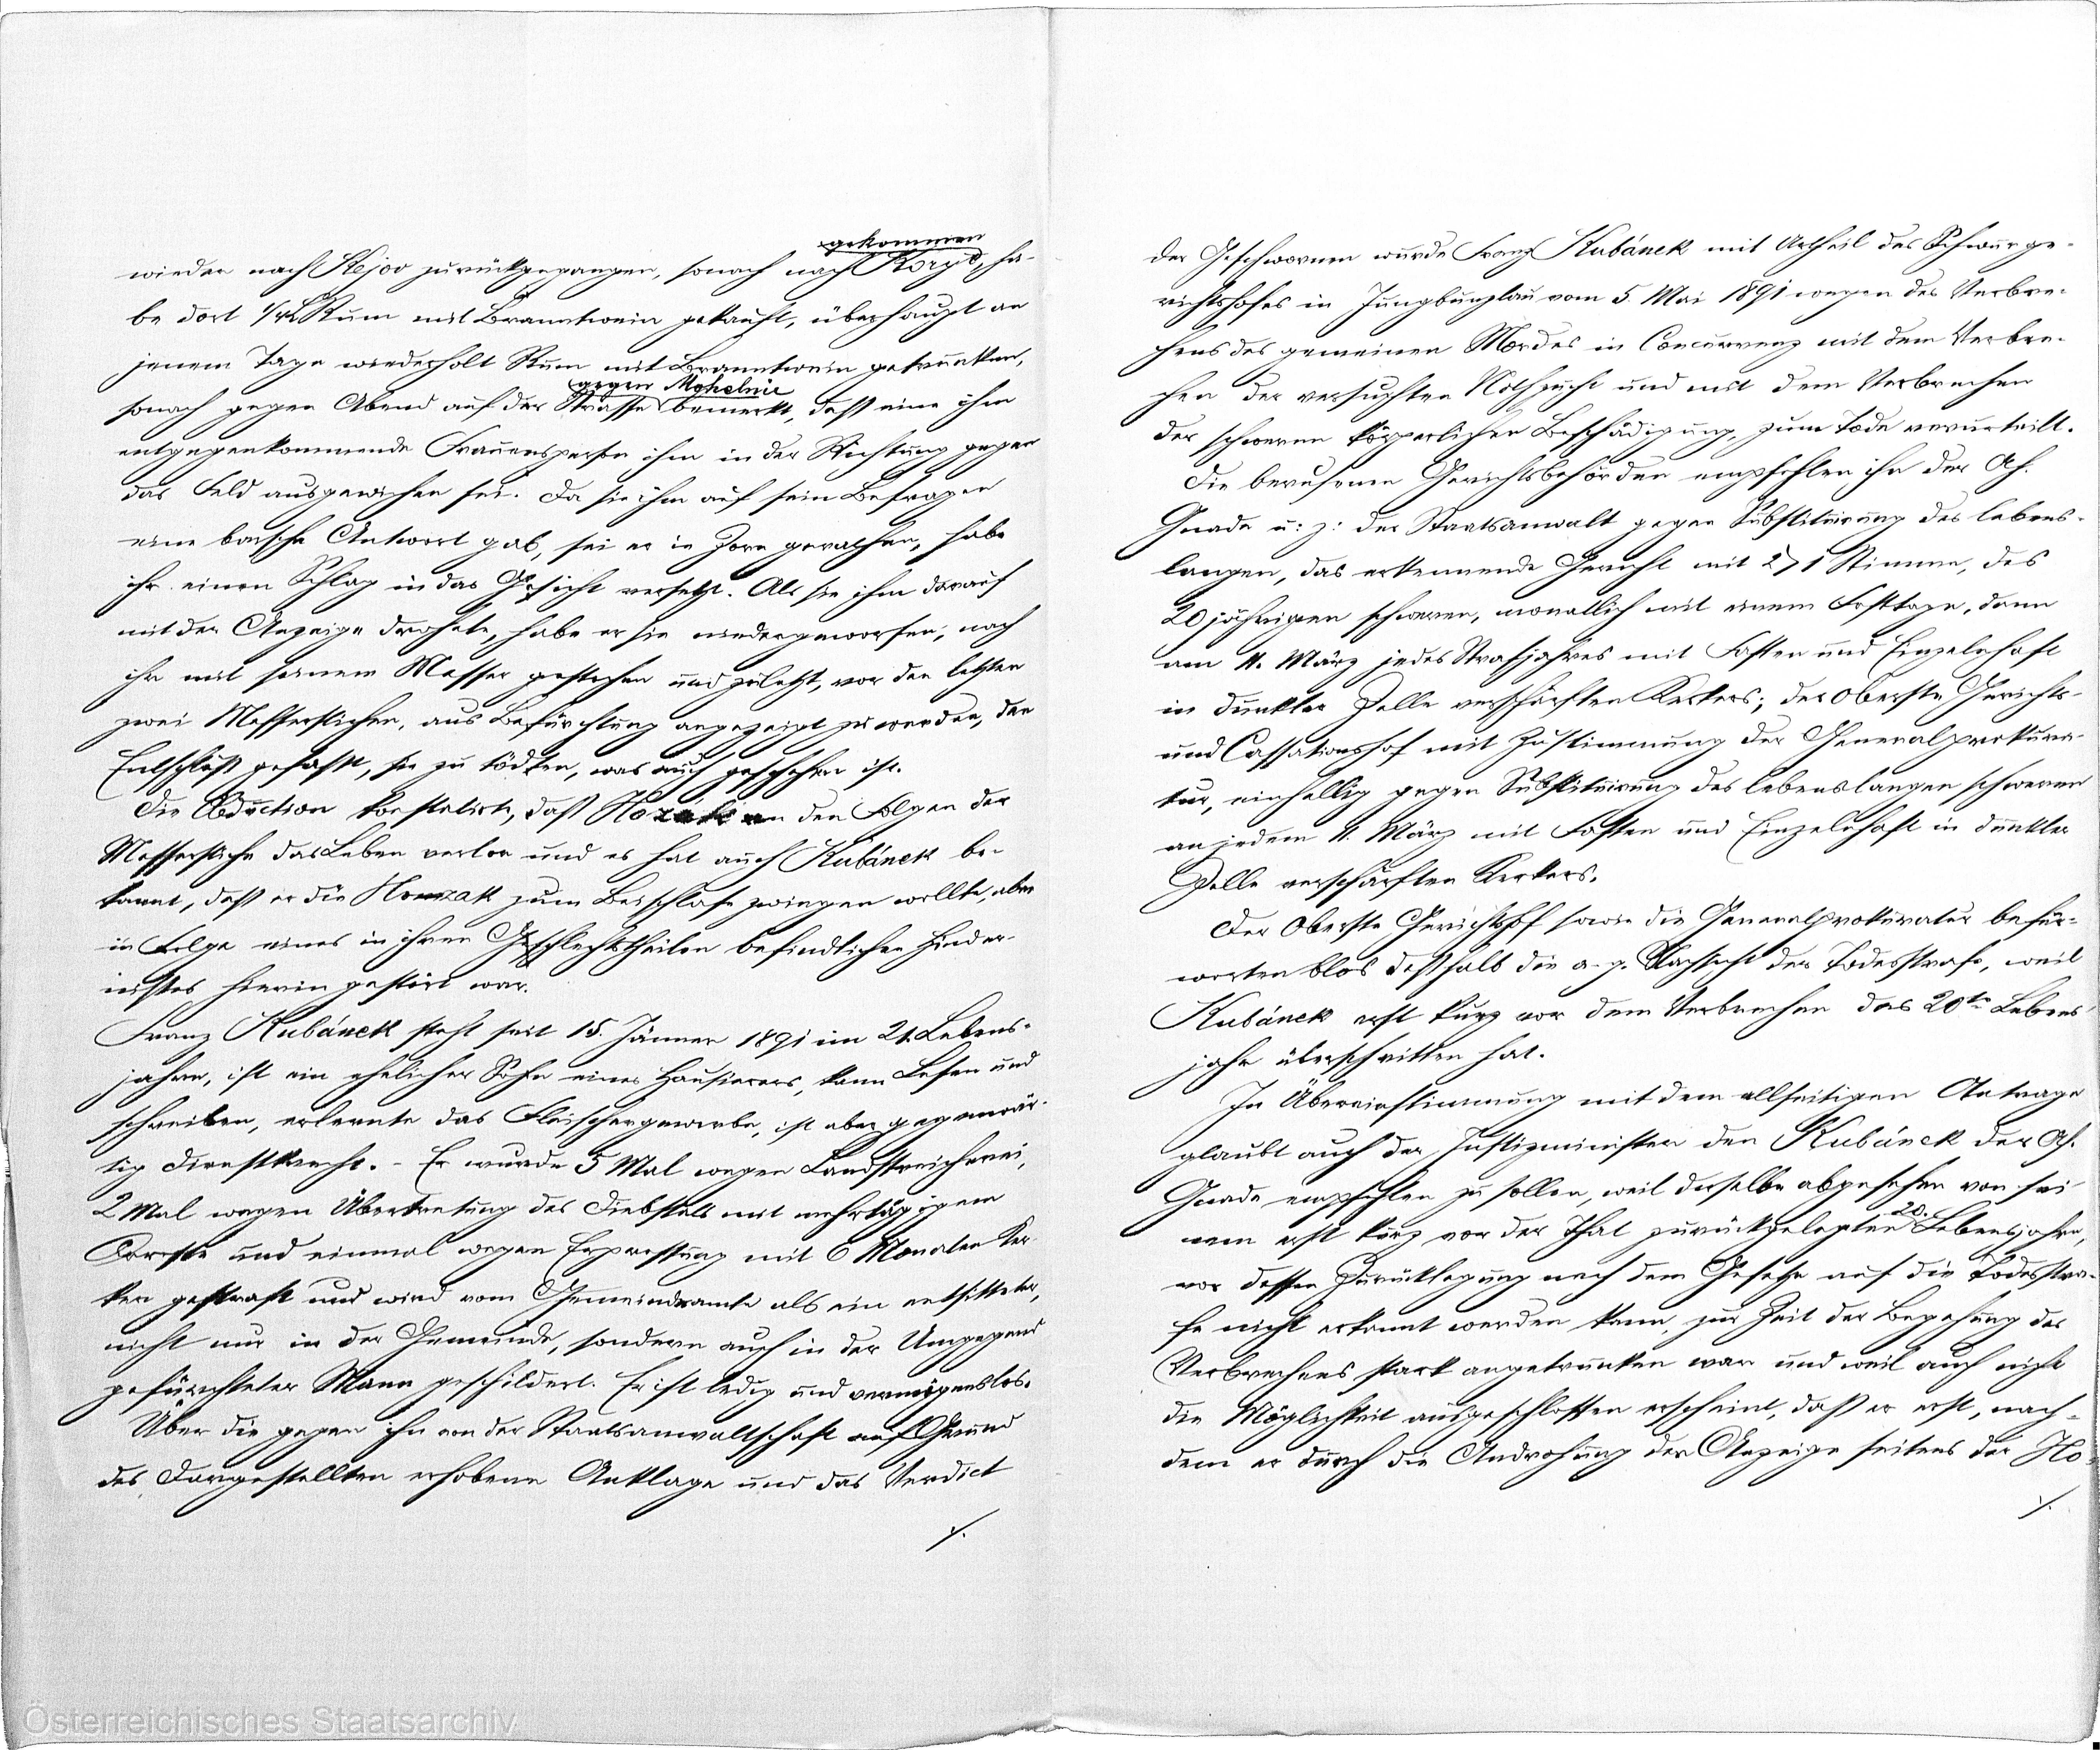gekommen
wieder nach Kejov zurückgegangen, sonach nach Koryt, ha¬
be dort ¼ L Rum mit Branntwein gekauft, überhaupt an
jenem Tage wiederholt Rum mit Branntwein getrunken,
gegen Mohelnic
sonach gegen Abend auf der Strasse bemerkt, daß eine ihm
entgegenkkommende Frauensperson ihm in der Richtung gegen
das Geld ausgewichen sei. Da sie ihm auf sein Befragen
eine barsche Antwort gab, sei er in Zorn gerathen, habe
ihr einen Schlag in das Gesicht versetzt. Als sie ihm darauf
mit der Anzeige drohte, habe er sie wiedergeworfen, nach
ihr mit seinem Messer gestochen und zuletzt, vor den letzten
zwei Messerstichen, aus Befürchtung angezeigt zu werden, den
Entschluß gefaßt, sie zu tödten, was auch geschehen ist.
Die Obduction konstatirte, daß Hozák an den Folgen der
Messerstiche das Leben verlor und es hat auch Kubánek be¬
kannt, daß er die Hozak zum Beischlafe zwingen wollte, aber
in Folge eines in ihrer Geschlechtstheilen befindlichen Hinder¬
nißes hierin gestört war.
Franz Kubánek steht seit 15 Jänner 1891 im 21 Lebens¬
jahre, ist ein ehelicher Sohn eines Hausierers, kann Lesen und
Schreiben, erlernte das Fleischergewerbe, ist aber gegenwär¬
tig Dienstknecht. Er wurde 5 Mal wegen Landstreicherei,
2 Mal wegen Übertretung der Diebstals mit mehrtägigen
Arreste und einmal wegen Erpressung mit 6 Monaten Ker¬
ker gestraft und wird vom Gemeindeamte als ein entsitteter,
nicht nur in der Gemeinde, sondern auch in der Umgegend
gefürhcteter Mann geschildert. Er ist ledig und vermögenslos.
Über die gegen ihn von der Staatsanwaltschaft auf Grund
des dargestellten erhobene Anklage und des Verdict
der Geschwornen wurde Franz Kubánek mit Urtheil des Schwurge¬
richtshofes in Jungbungzlau vom 5. Mai 1891 wegen des Verbre¬
chens des gemeinen Mordes in Concurrenz mit dem Verbre¬
chen der versuchten Nothzucht und mit dem Verbrechen
der schweren körperlichen Beschädigung, zum Tode verurteilt.
Die berufenen Gerichtsbehörden empfehlen ihn der Ah
Gnade u. z. der Staatsanwalt gegen Substituirung des lebens¬
langen, das erkennende Gericht mit 2>1 Stimmen, des
20jährigen schweren, monatlich mit einem Fasttage, dann
von 11. März jedes Strafjahres mit Fasten und Einzelnhaft
in dunkler Zelle verschärfte Kerkers; der Oberste Gerichts-
und Cassationshof mit Zustimmung der Generalprokura¬
tur, einhellig gegen Substituirung des lebenslangen schweren
an jedem 11. März mit Fasten und Einzelnhaft in dunkler
Zelle verschärften Kerkers.
Der Oberste Gerichtshof sowie die Generalprokuratur befür¬
worten blos deßhalb die a.g. Nachsicht des Todesstrafe, weil
Kubánek erst kurz vor dem Verbrechen das 20te Lebens¬
jahr überschritten hat.
In Übereinstimmung mit dem allseitigen Antrage
glaubt auch der Justizminister den Kubánek der Ah.
Gnade empfehlen zu sollen, weil derselbe abgesehen von sei¬
20.
nem erst kurz vor der That zurückgelegten Lebensjahr,
vor dessen Zurücklegung nach dem Gesetze auf die Todesstra¬
fe nicht erkannt werden kann, zur Zeit der Begehung des
Verbrechens stark angetrunken war und weil auch nicht
die Möglichkeit ausgeschlossen erscheint, daß er erst, nach¬
dem er durch die Androhung der Anzeige seitens der Ho¬